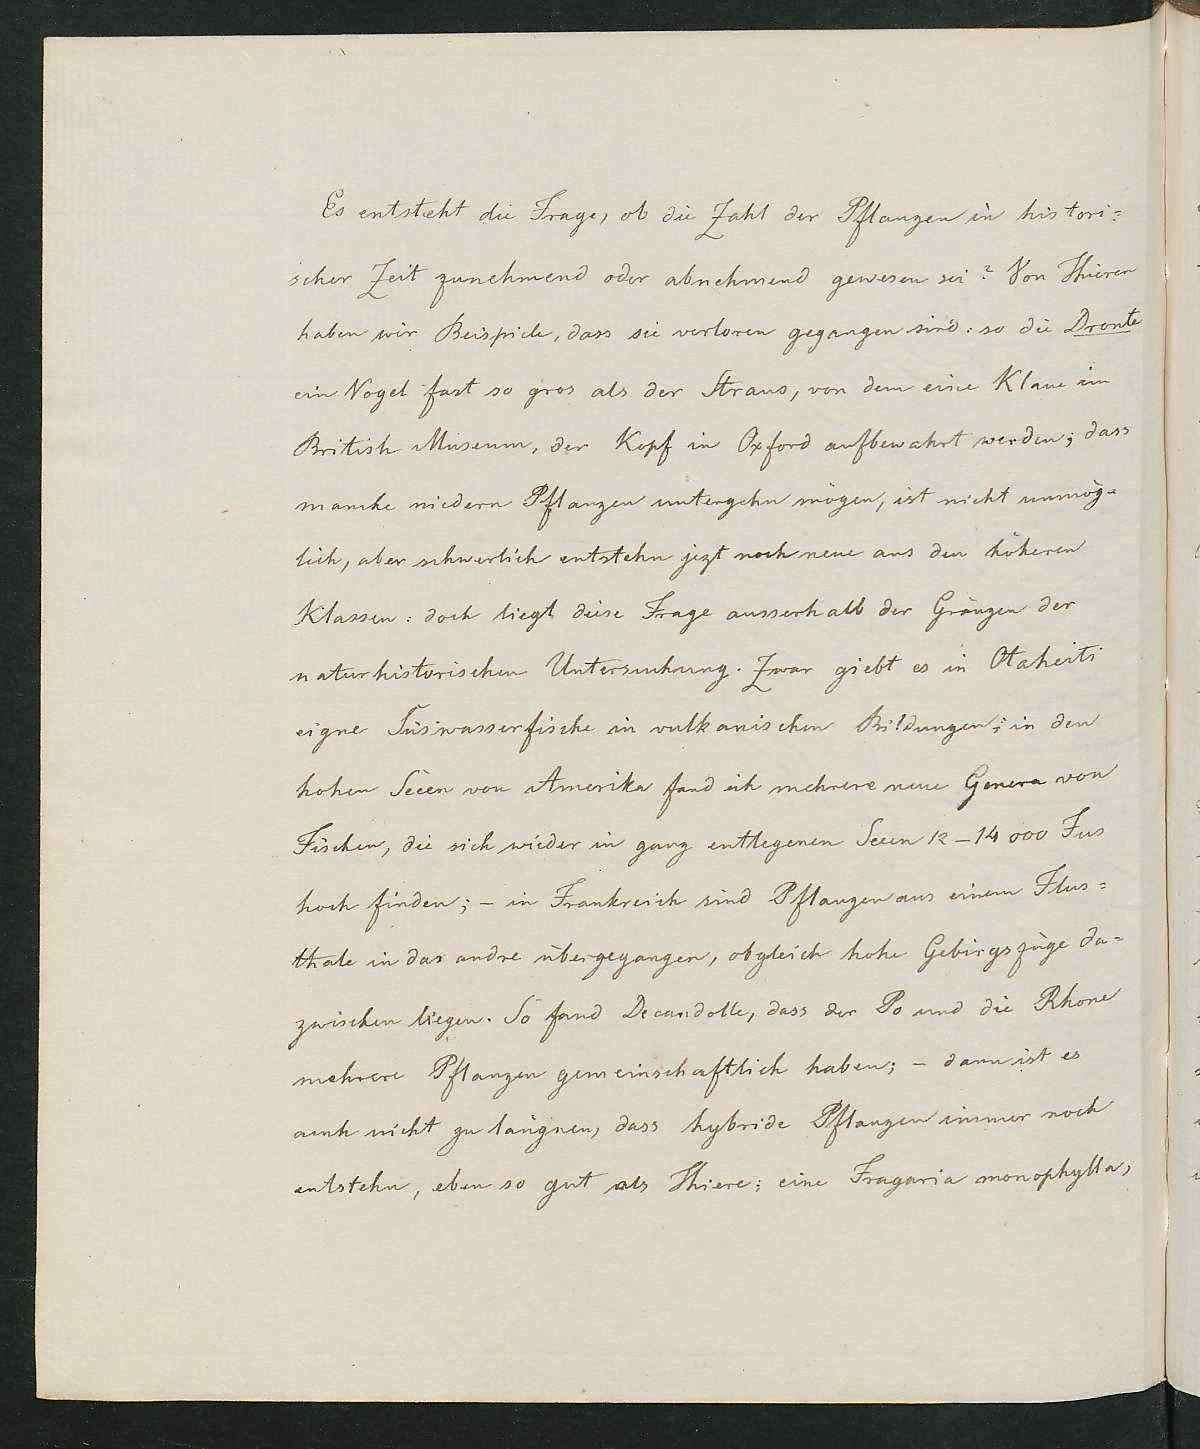Es entsteht die Frage, ob die Zahl der Pflanzen in histori-
scher Zeit zunehmend oder abnehmend gewesen sei? Von Thieren
haben wir Beispiele, dass sie verloren gegangen sind: so die Dronte
ein Vogel fast so gros als der Straus, von dem eine Klaue im
British Museum, der Kopf in Oxford aufbewahrt werden; dass
manche niedern Pflanzen untergehn mögen, ist nicht unmög-
lich, aber schwerlich entstehn jezt noch neue aus den höheren
Klassen: doch liegt diese Frage ausserhalb der Gränzen der
naturhistorischen Untersuchung. Zwar giebt es in Otaheiti
eigne Süswasserfische in vulkanischen Bildungen; in den
hohen Seeen von Amerika fand ich mehrere neue Genera von
Fischen, die sich wieder in ganz entlegene Seeen 12–14000 Fus
hoch finden; – in Frankreich sind Pflanzen aus einem Flus-
thale in das andre übergegangen, obgleich hohe Gebirgszüge da-
zwischen liegen. So fand Decandolle, dass der Po und die Rhone
mehrere Pflanzen gemeinschaftlich haben; – dann ist es
auch nicht zu läugnen, dass hybride Pflanzen immer noch
entstehn, eben so gut als Thiere;: eine Fragaria monophylla,